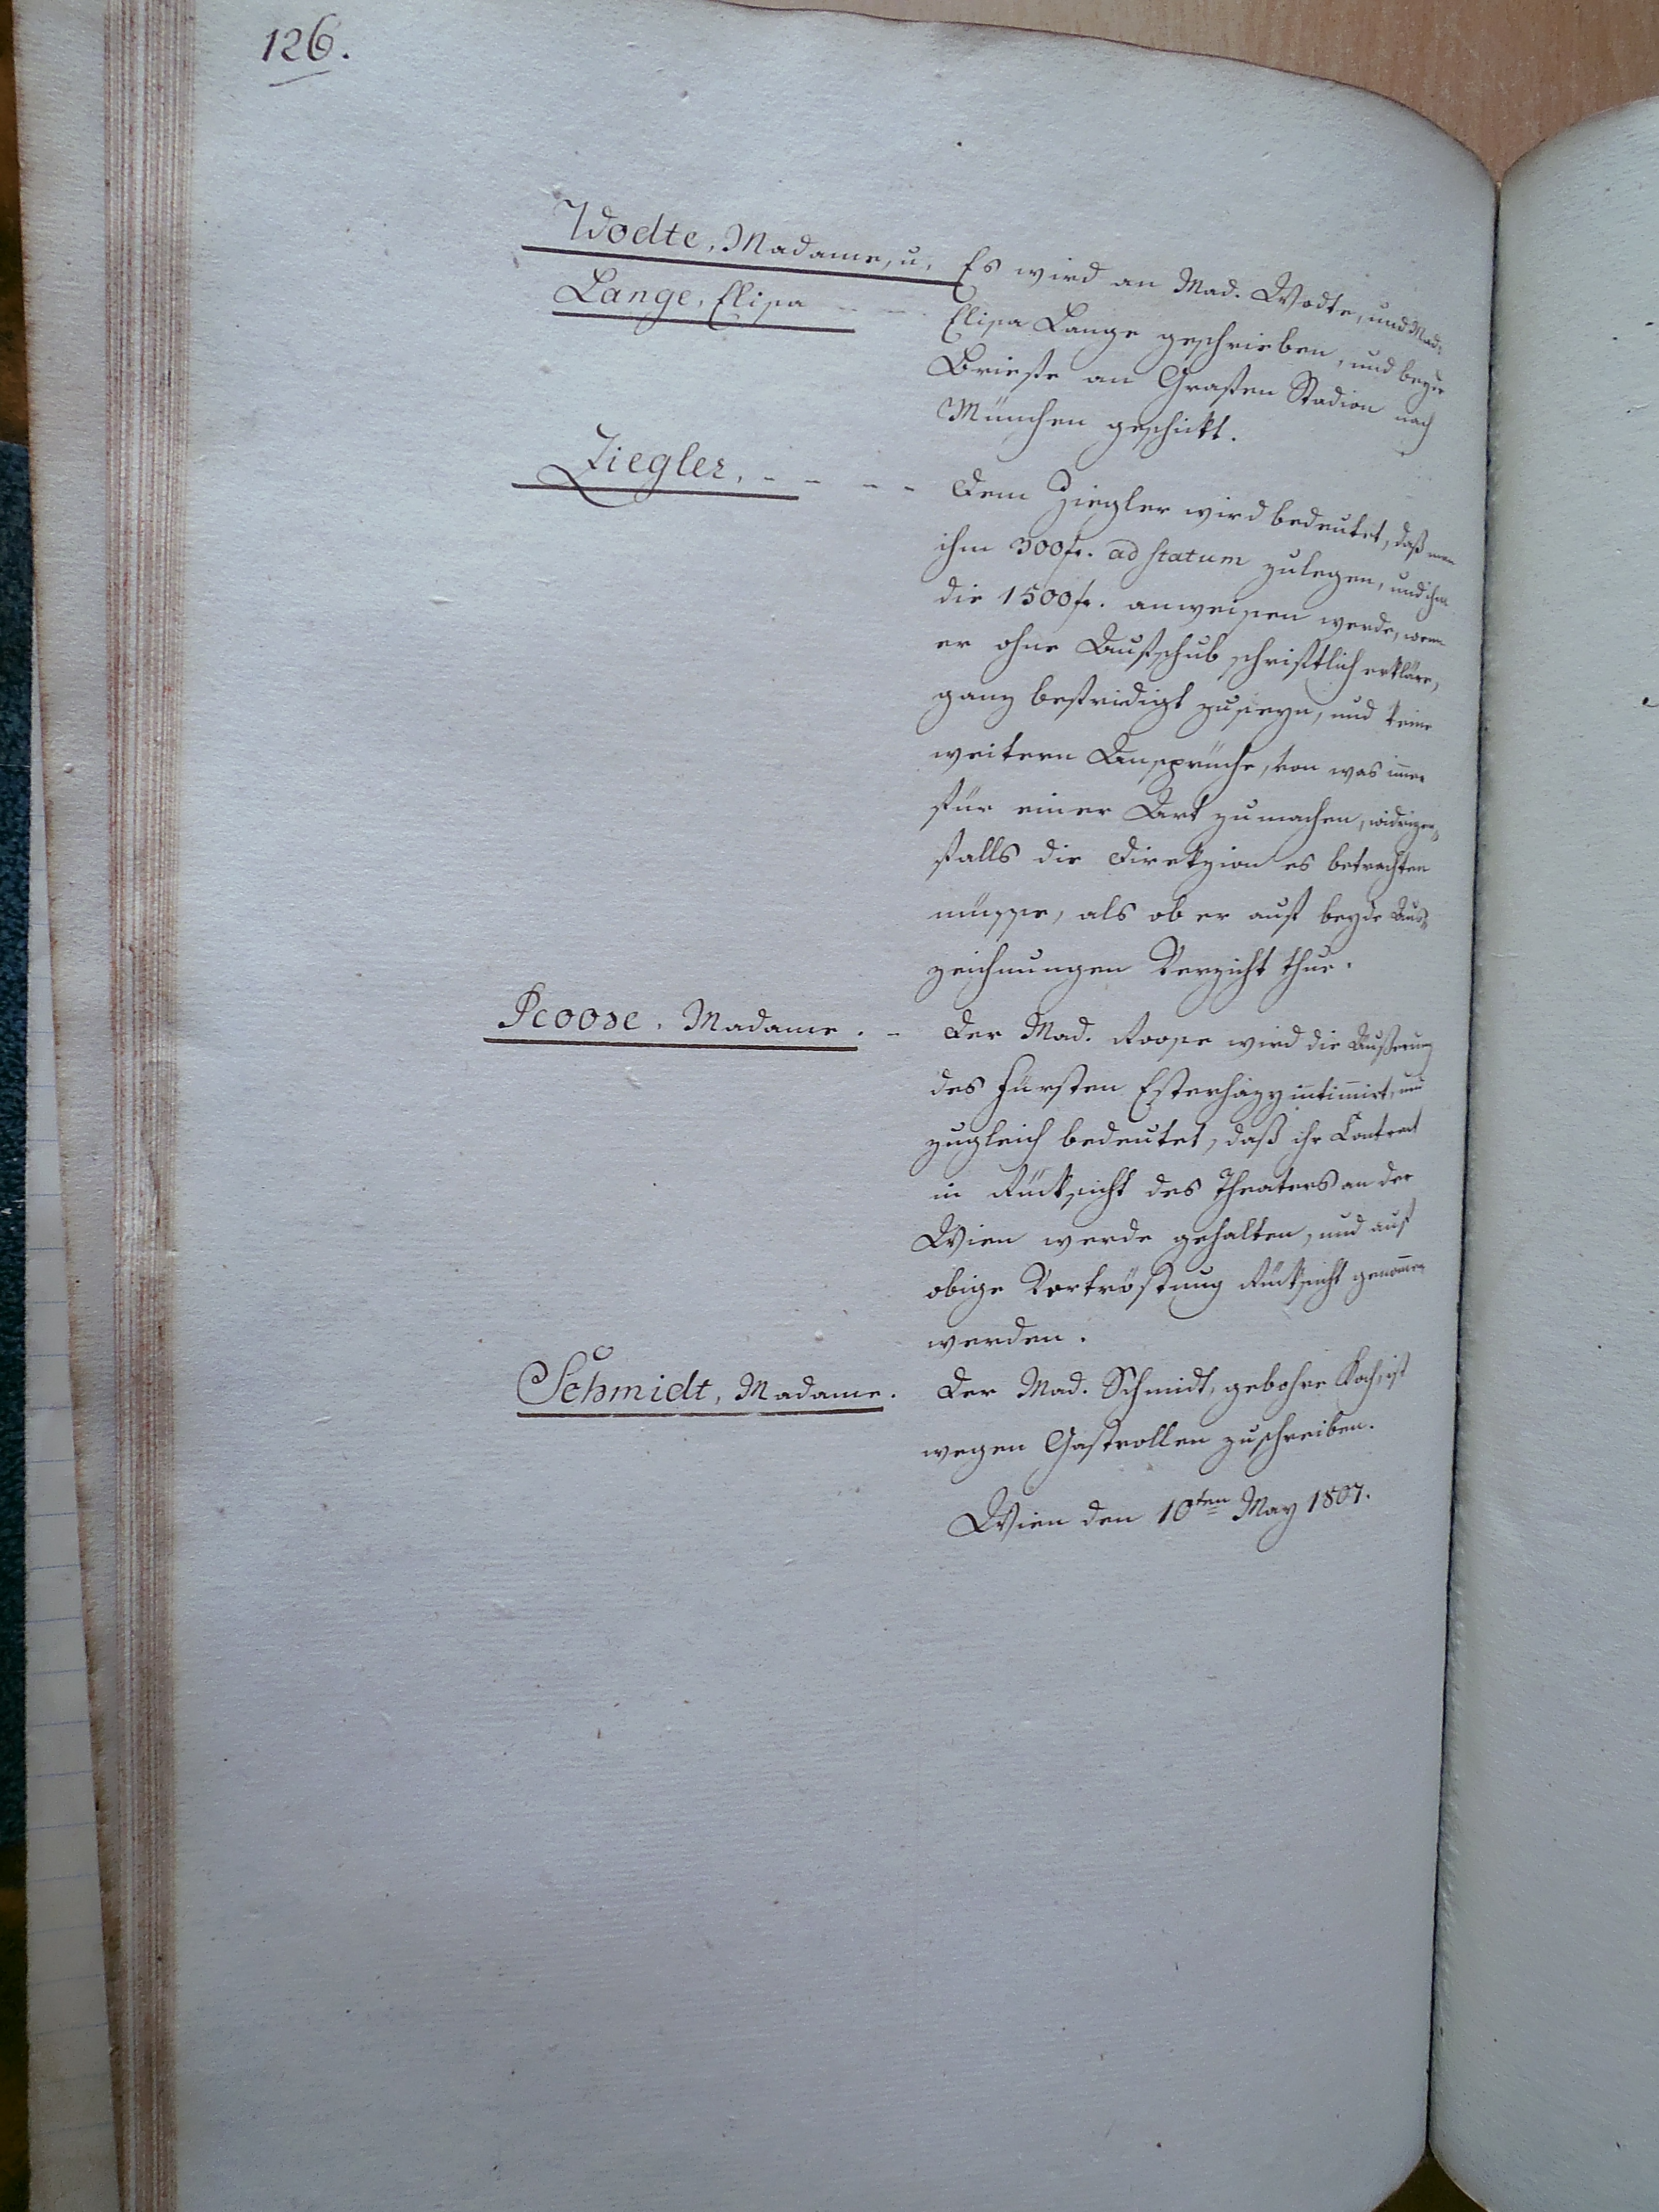126.
Wodte, Madame, u,
Lange, Elisa
Es wird an Mad. Wodte, und Mad.
Elisa Lange geschrieben, und beyde
Briefe an Grafen Stadion nach
München geschickt.
Ziegler, .. .. .. .. Dem Ziegler wird bedeutet, daß man
ihm 300fr. ad statum zulegen, und ihm
de 1500fr. anweisen werde, wenn
er ohne Aufschub schriftlich erkläre,
ganz befridigt zuseyn, und keine
weitern Ansprüche, von was im̅er
für einer Art zu machen, widrigen¬
falls die Direkzion es betrachten
müsse, als ob er auf beyde Aus¬
zeichnungen Verzicht thue.
Roose., Madame. .. Der Mad. Roose wird die Außerung
des Fürsten Esterhazy intim̅irt um
zugleich bedeutet, daß ihr Contract
im Rücksicht des Theaters an der
Wien werde gehalten, und auf
obige Vertröstung Rücksicht genom̅en
werden.
Schmidt, Madame. Der Mad. Schmidt gebohre Koch, ist
wegen Gastrollen zuschreiben.
Wien den 10te͇n May 1807.